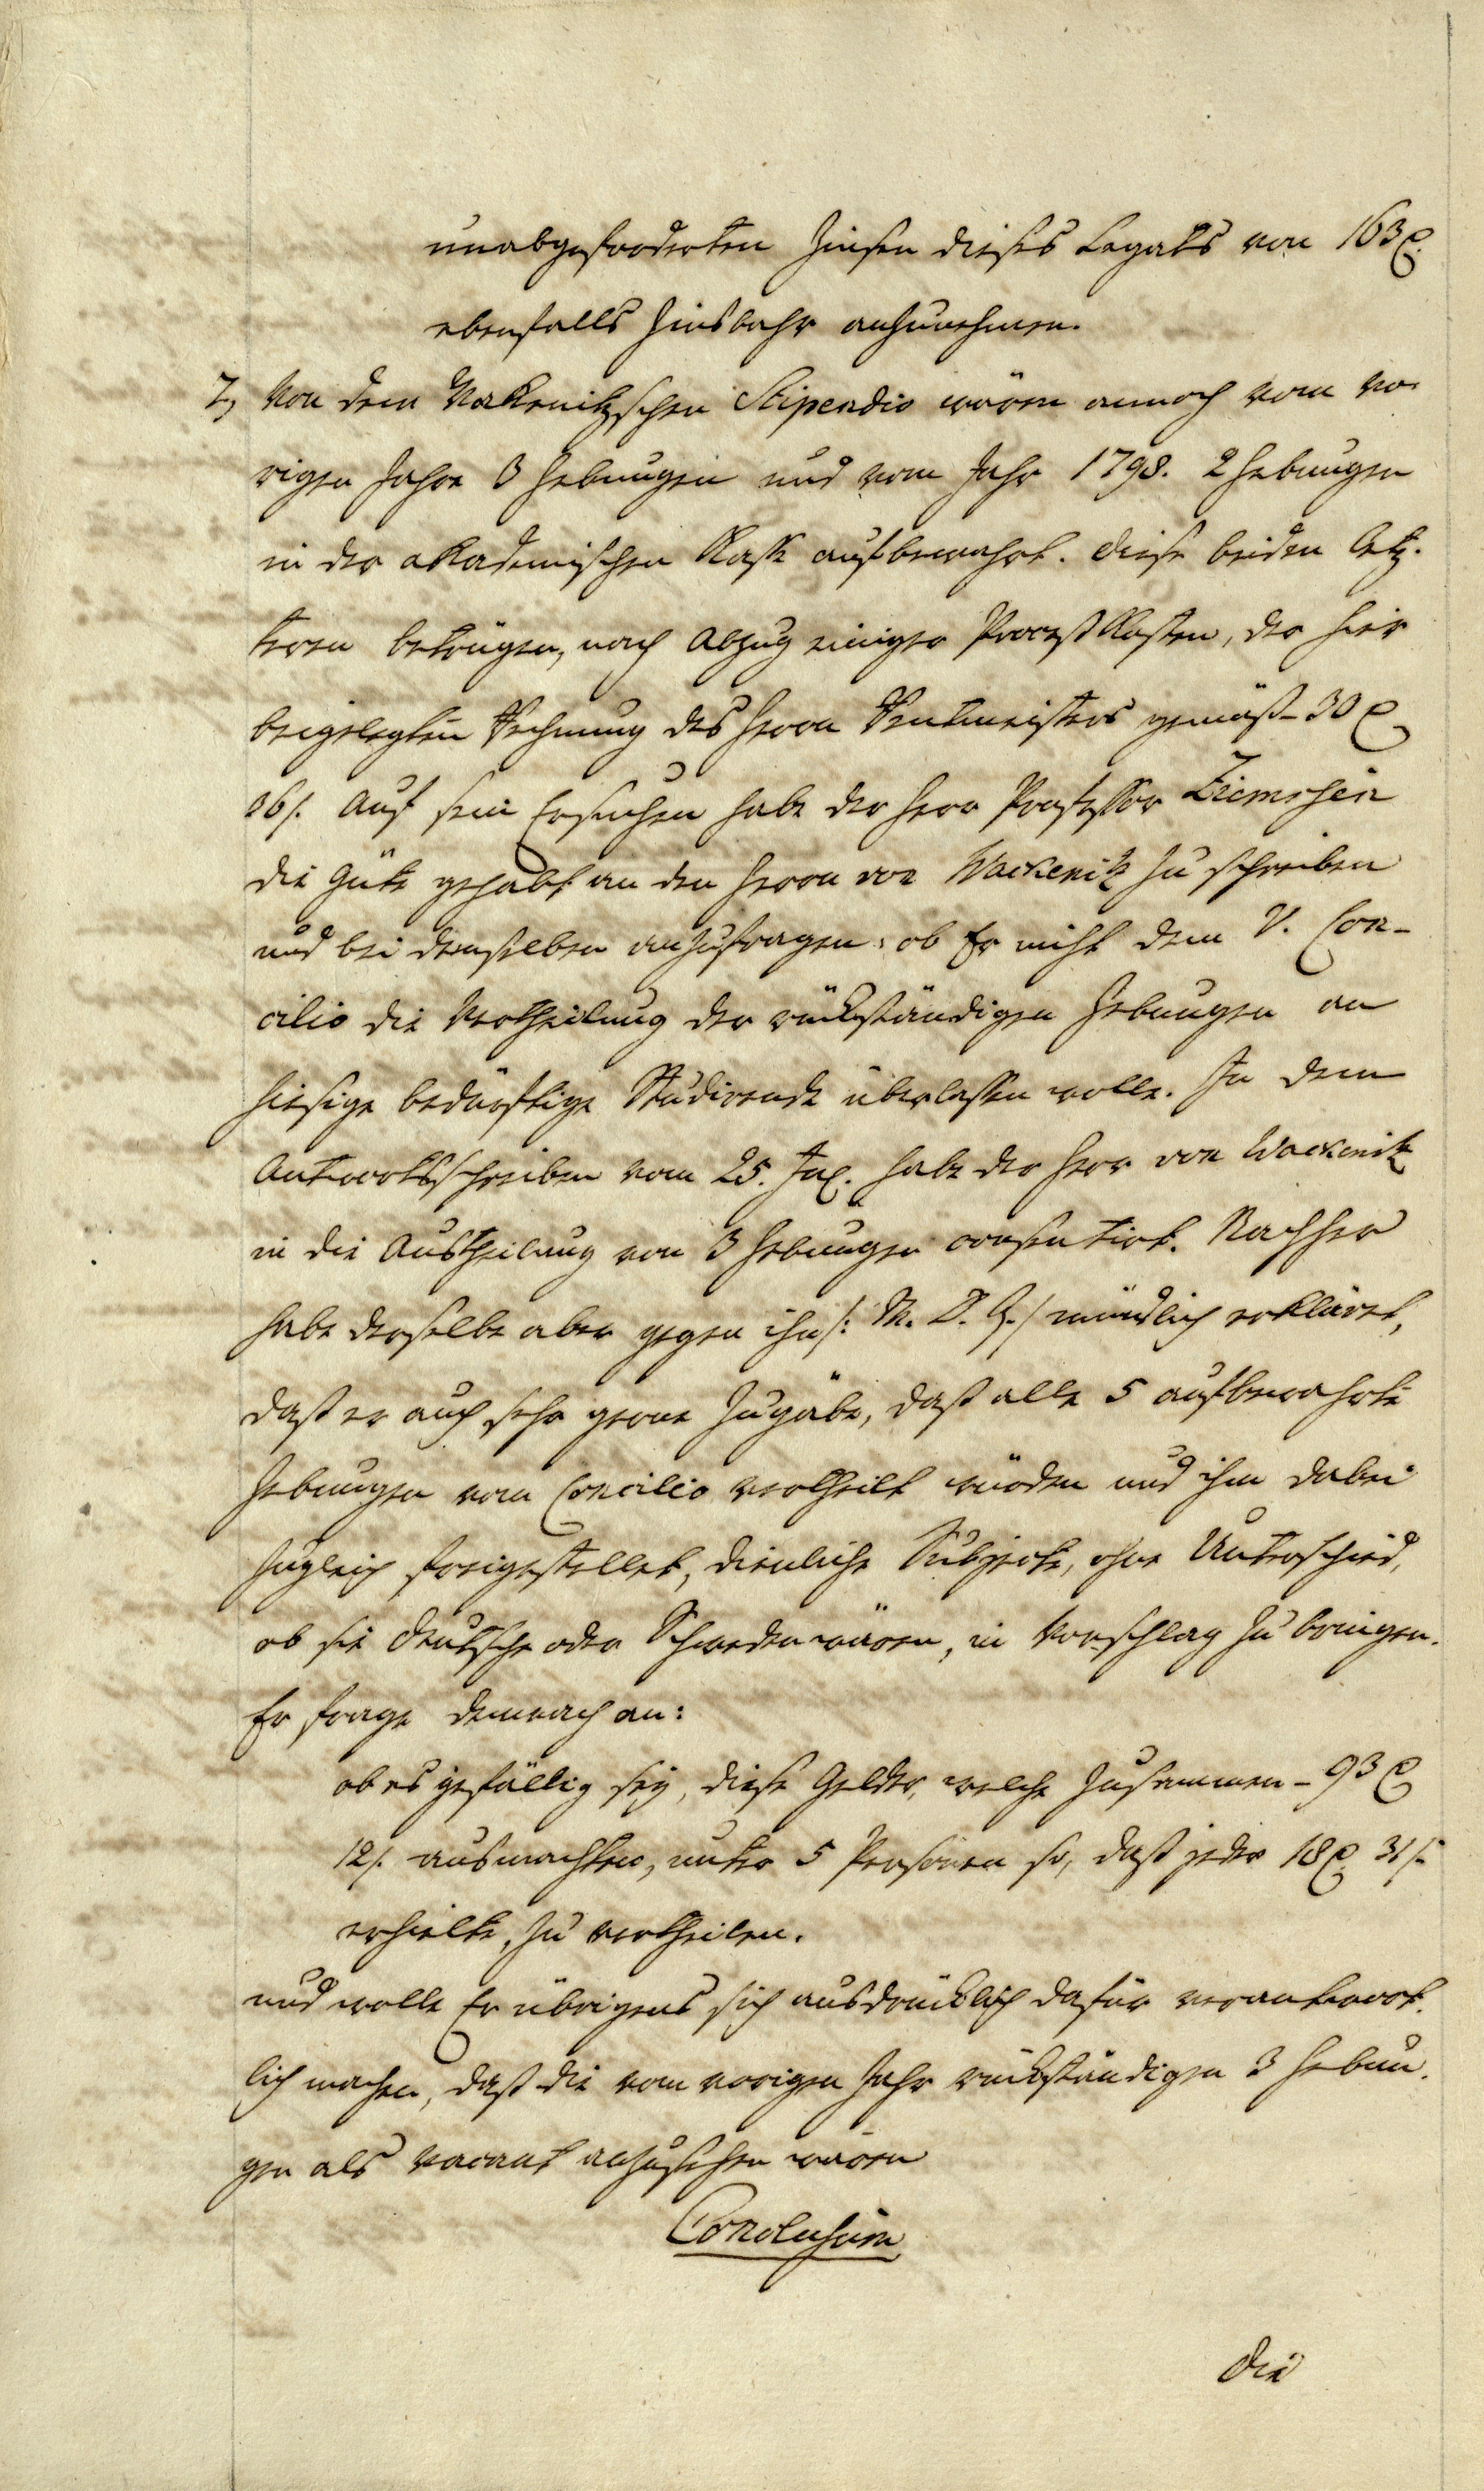unabgeforderten Zinsen dieses Legats von 163 l.
ebenfalls zinsbahr anzunehmen.
7, von dem Wakenitzschen Stipendio wären annoch vom vo¬
rigen Jahre 3 Hebungen und vom Jahr 1798. 2 Hebungen
in der akademischen Kasse aufbewahrt. Diese beiden letz¬
teren betrügen, nach Abzug einiger Proceß Kosten, der hier
beigelegten Rechnung des Herrn Rentmeisters gemäß 30 l
36 s. auf sein Ersuchen habe der Herr Professor Ziemssen
die Güte gehabt an den Herrn von Wackenitz zu schreiben
und bei demselben anzufragen: ob Er nicht dem V. Con¬
cilio die Vertheilung der rückständigen Hebungen an
hiesige bedürftige Studirende überlassen wolle. In dem
Antwortsschreiben vom 25. Jul. habe der Herr von Wackenitz
in die Austhilung von 3 Hebungen consentirt. Nachher
habe derselbe aber gegen ihn /: M. D. R./ mündlich erkläret,
daß er auch sehr gerne zugäbe, daß alle 5 aufbewahrte
Hebungen vom Concilio vertheilt würden und ihm dabei
zugleich freigestellet, dienliche Subjecte, ohne Unterschied,
ob sie Deutsche oder Schweden wären, in Vorschlag zu bringen.
Er frage demnach an:
ob es gefällig seÿ, diese Gelder welche zusammen 93 l
12 s. ausmachten, unter 5 Personen so, daß jeder 18 l. 31s.
erhielte, zu vertheilen.
und wolle Er übrigens sich ausdrücklich dafür verantwort¬
lich machen, daß die vom vorigen Jahr rückständigen 3 Hebun¬
gen als vacant anzusehen wären.
Conclusum